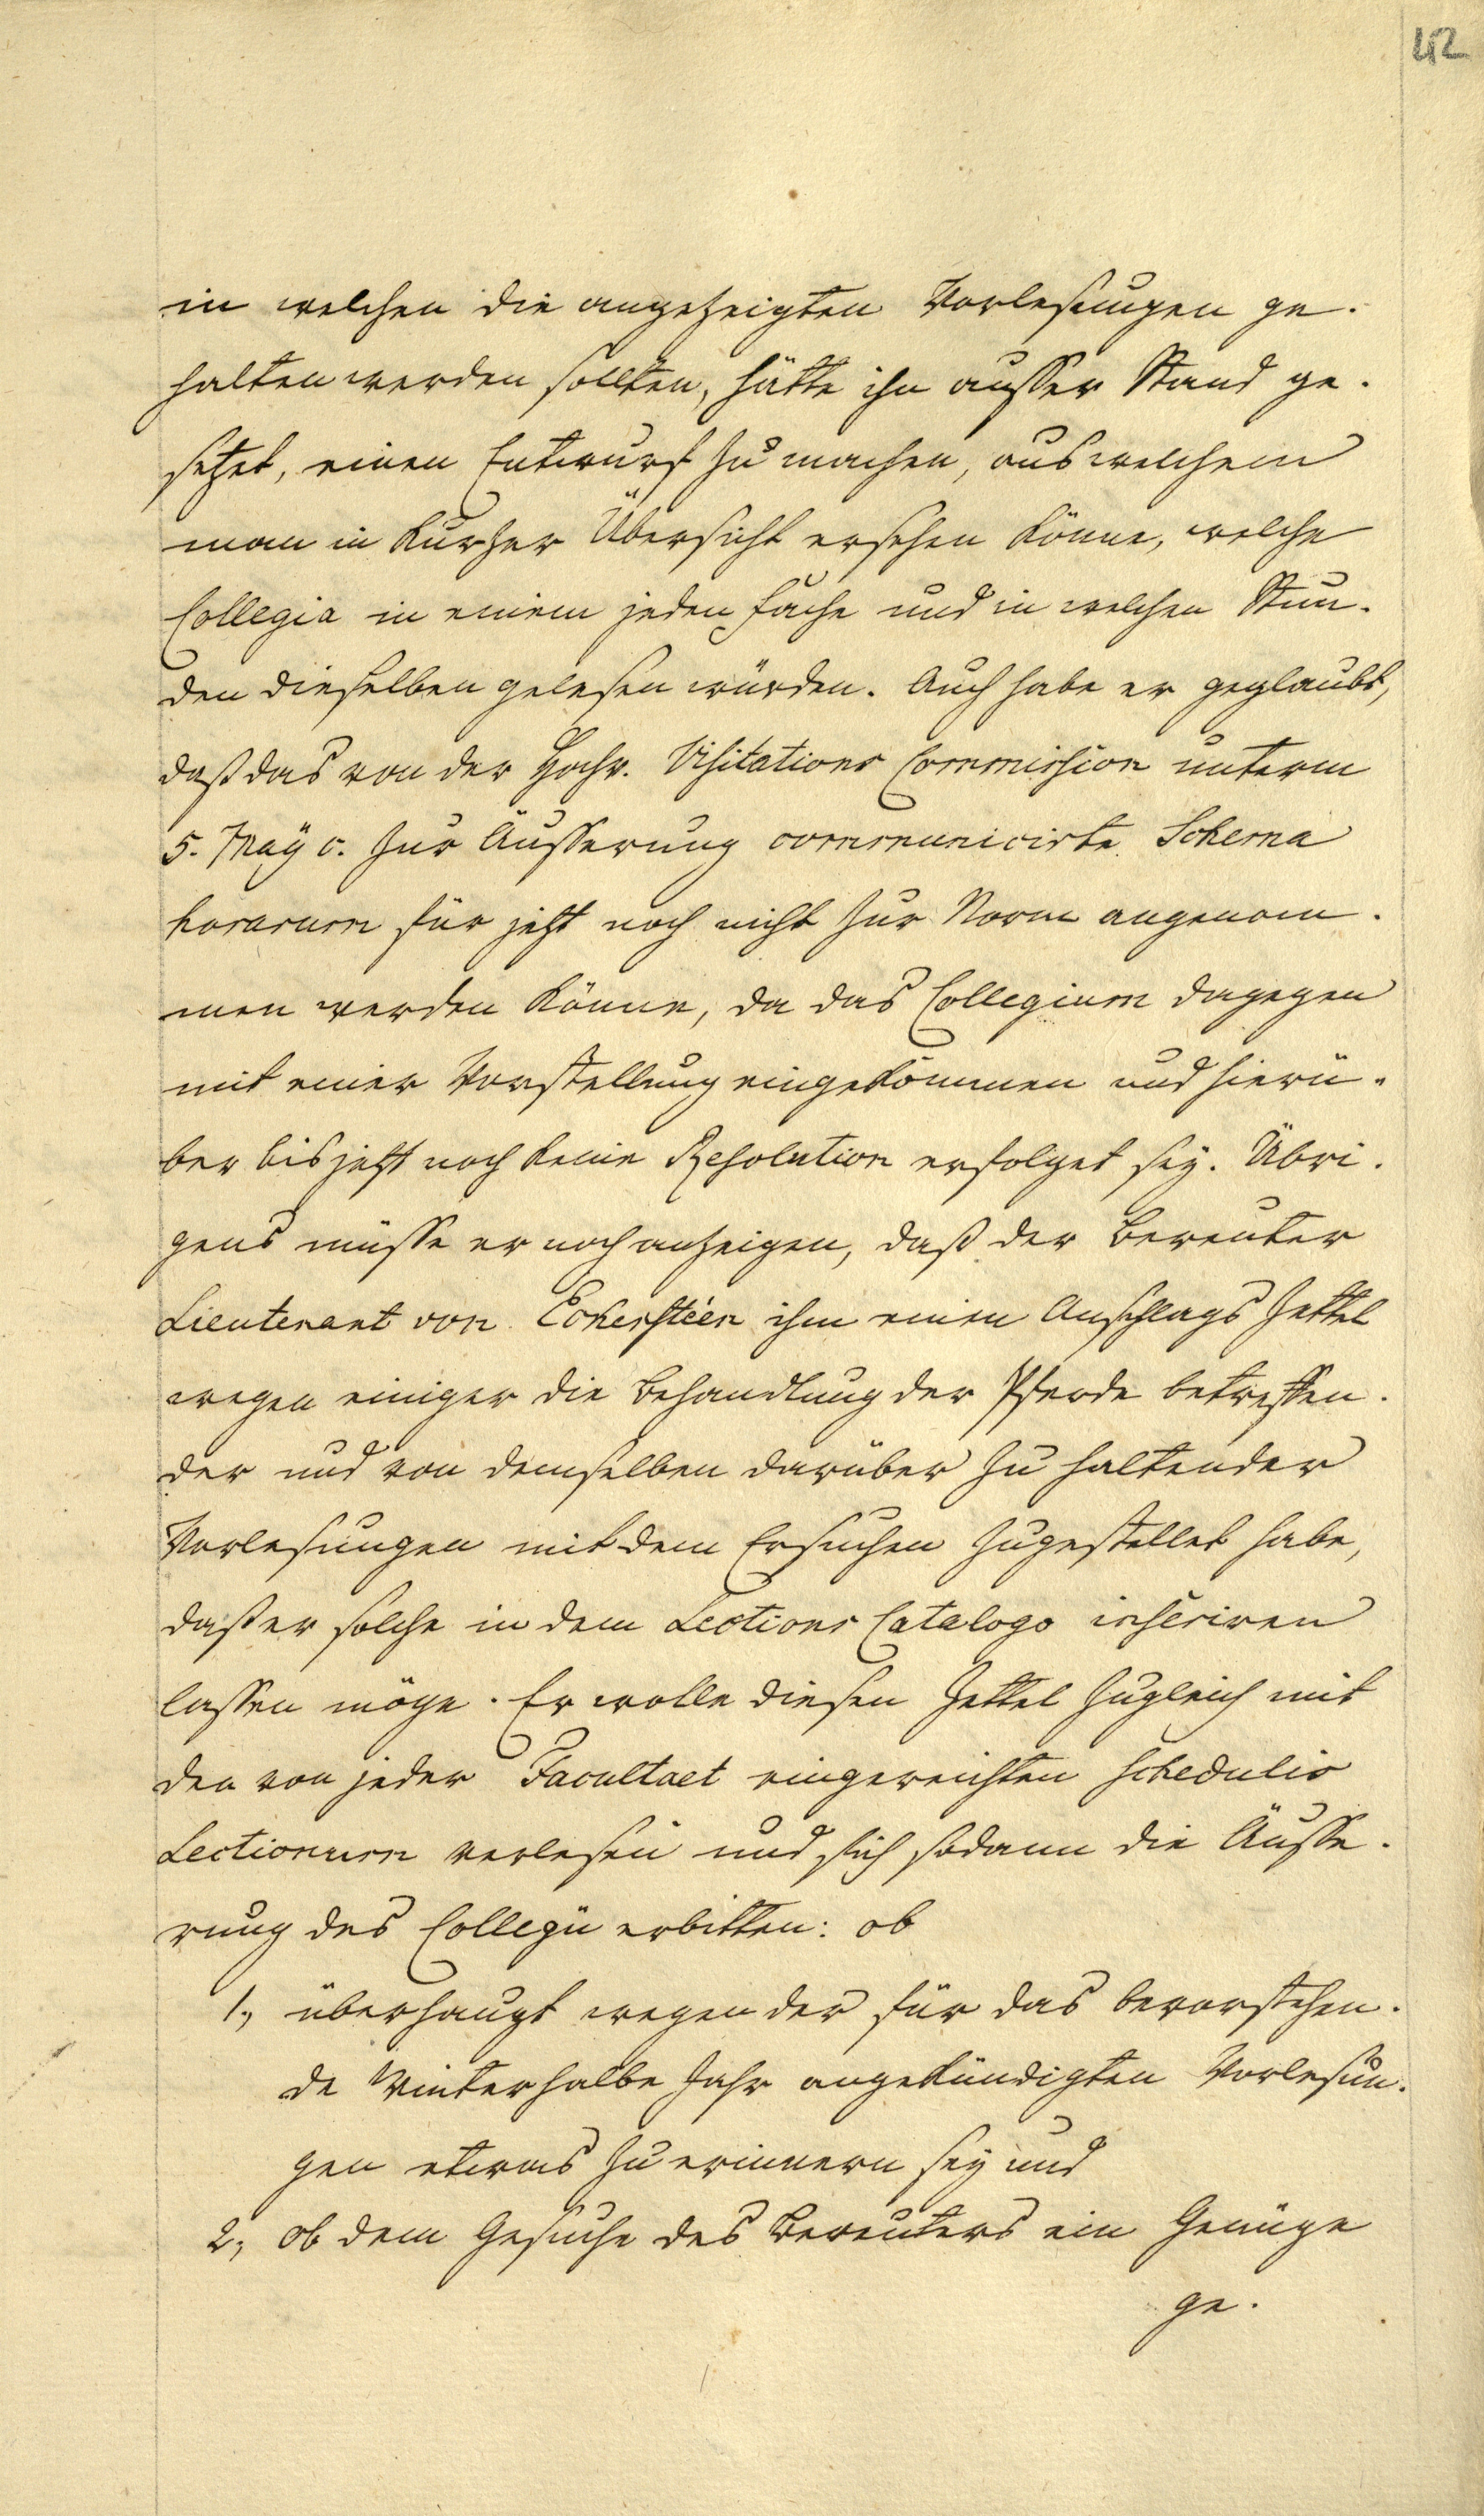in welchen die angezeigten Vorlesungen ge-
halten werden sollten, hätte ihn ausser Stand ge-
setzet, einen Entwurf zu machen, aus welchem
man in kurzer Übersicht ersehen könne, welche
Collegia in einem jeden Fache und in welchen Stun-
den dieselben gelesen würden. Auch habe er geglaubt,
das das von der Hochv. Visitations Commission unterm
5. May c. Zur Äusserung communicirte Schema
horarum für jetzt noch nicht zur Norm angenom-
men werden könne, da das Collegium dagegen
mit einer Vorstellung eingekommen und hierü-
ber bis jetzt noch keine Resolution erfolget sey. Übri-
gens müsse er noch anzeigen, daß der Bereuter
Lieutenant von Eckersteén ihm einen Anschlags Zettel
wegen einiger die Behandlung der Pferde betreffen-
der und von demselben darüber zu haltender
Vorlesungen mit dem Ersuchen zugestellet habe,
daß er solche in dem Lections Catalogo inseriren
lassen möge. Er wolle diesen Zettel zugleich mit
den von jeder Facultaet eingereichten Schedulis
Lectionum verlesen und sich sodann die Äusse-
rung des Collegii erbitten: ob
1., überhaupt wegen des für das bevorstehen-
de Winterhalbe Jahr angekündigten Vorlesun-
gen etwas zu erinnern sey und
2., ob dem Gesuche des Bereuters ein Genüge
ge-